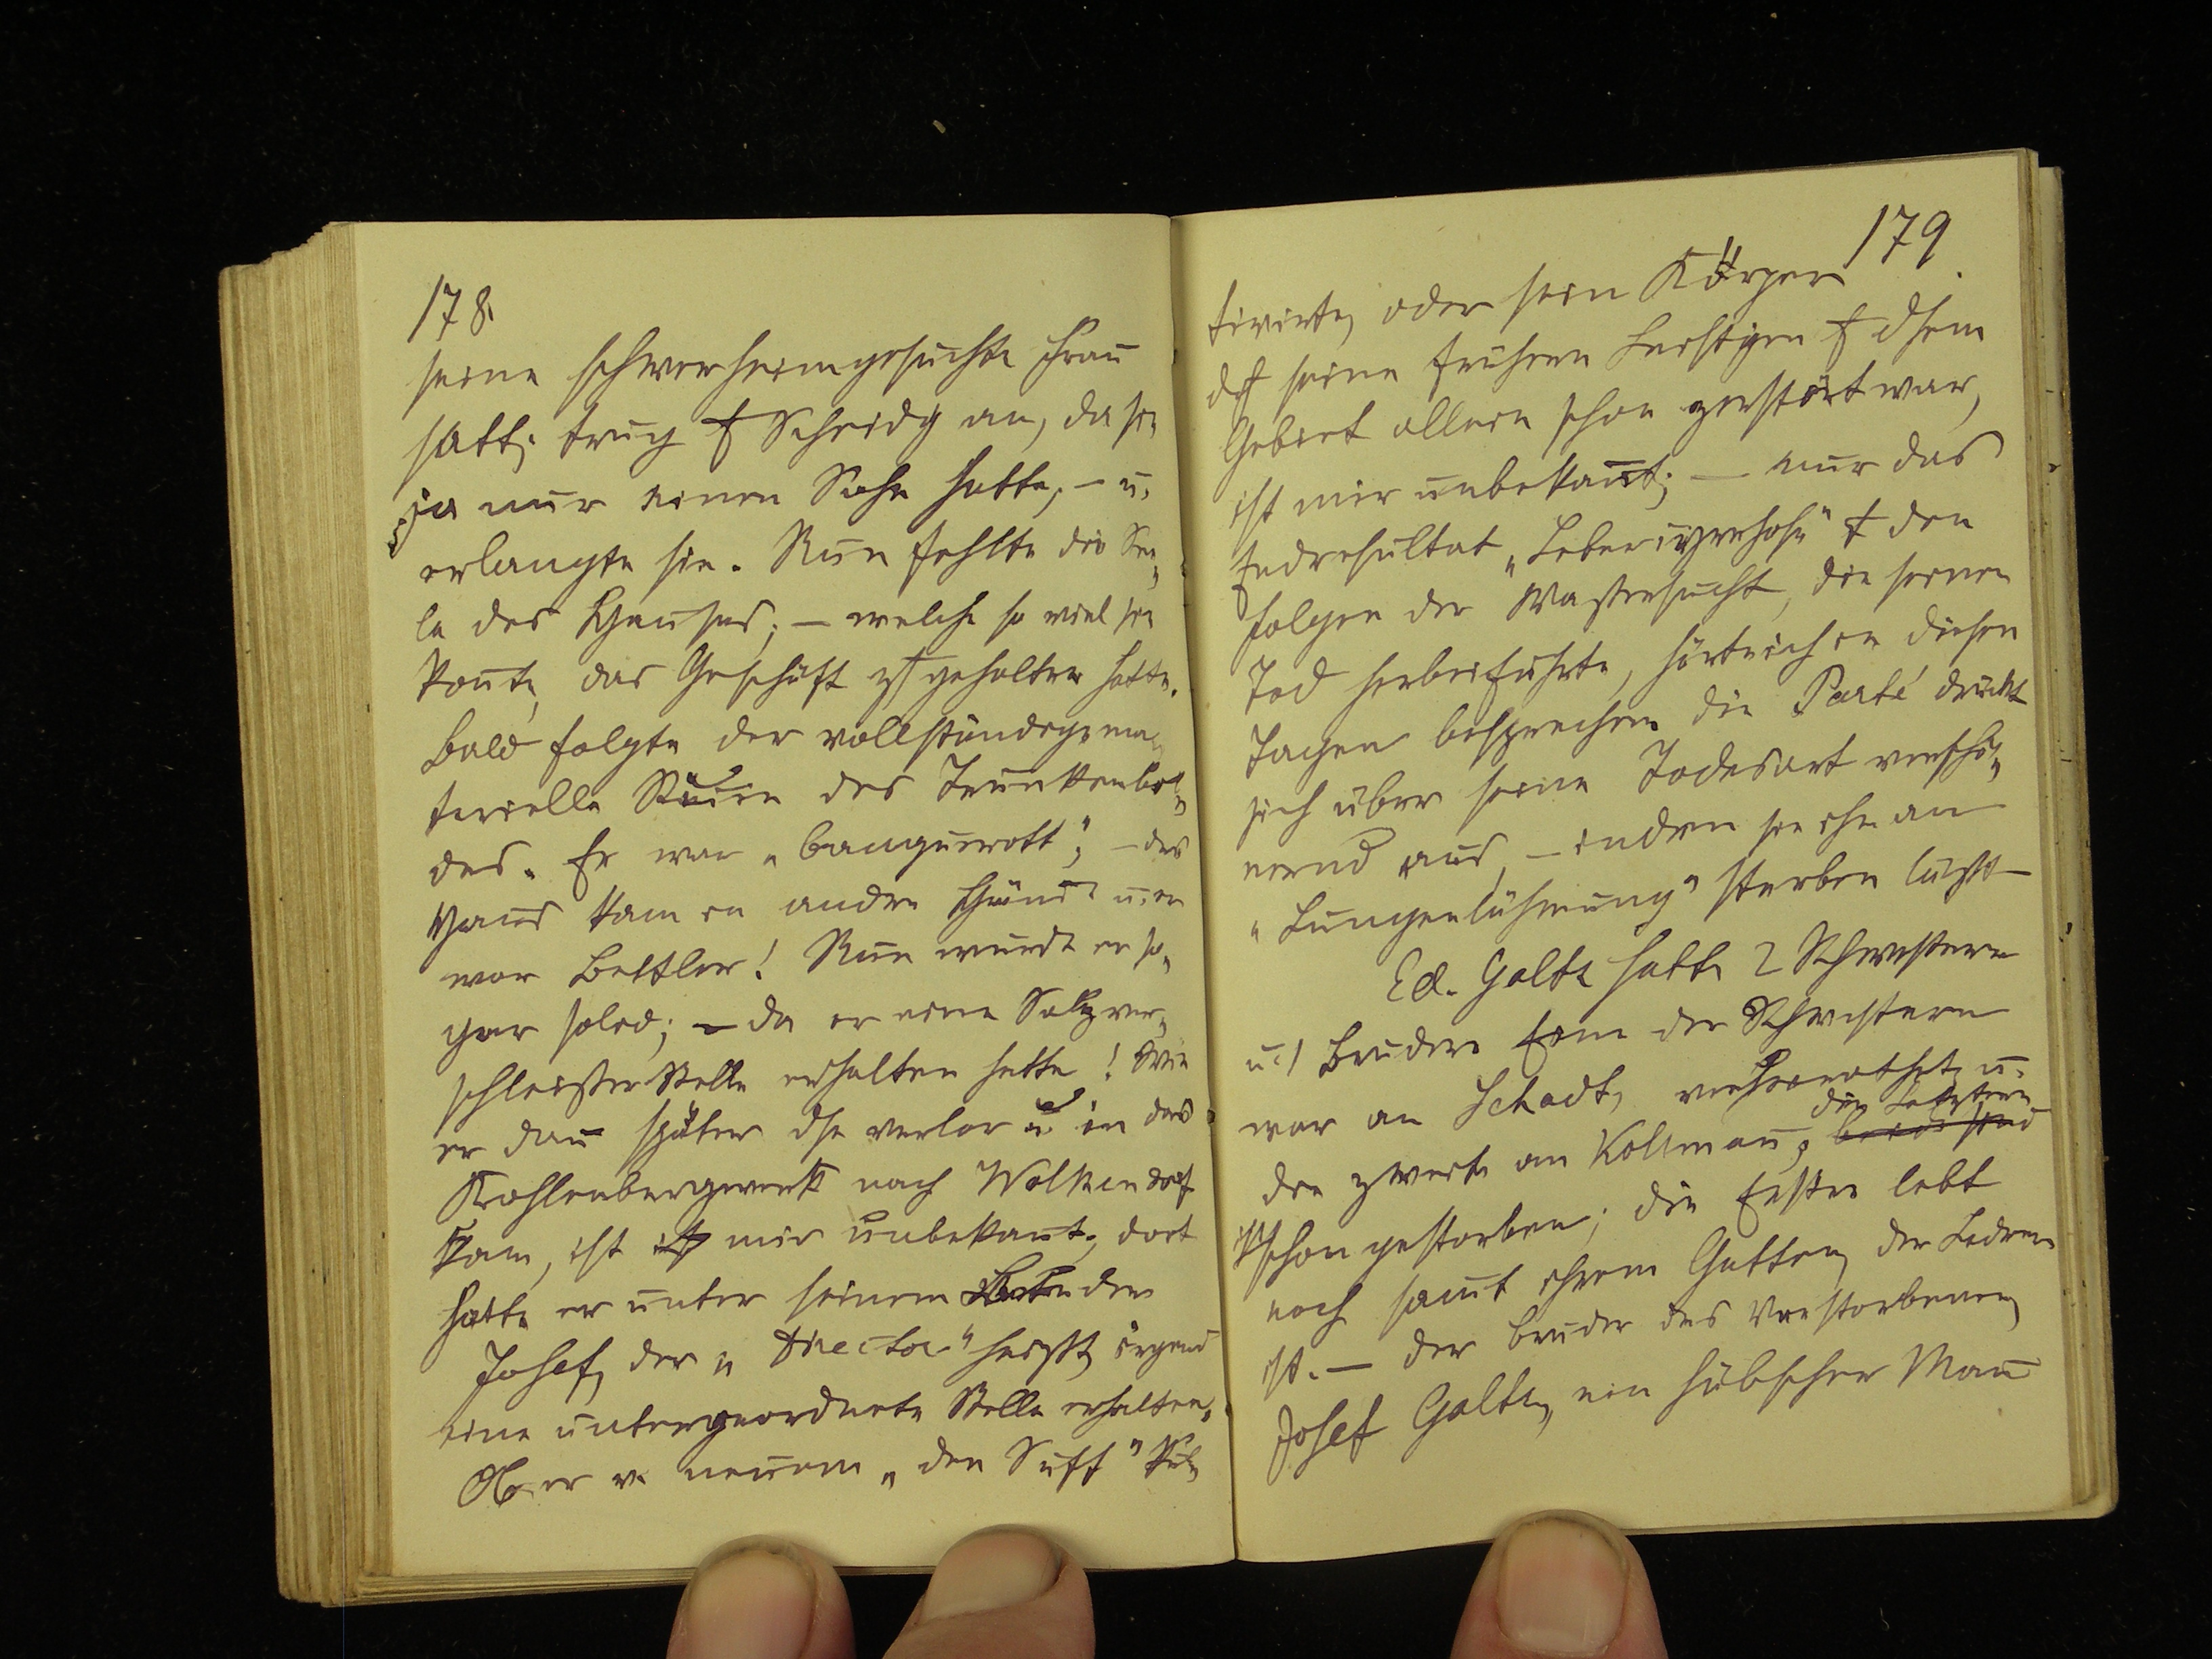178
seine schwer heimgesuchte Frau
statt; trug f Scheidung an, da sie
ja nur einen Sohn hatte; - u.
erlangte sie. Nun fehlte die See¬
le des Hauses;-- welche so viel sie
konnte, das Geschäft zs gehalten hatte.
Bald folgte der vollständige ma¬
terielle Ruin des Trunkenbol¬
des. Er war „ banquerott“; - das
Haus kam in andere Hände u. er
war Bettler ! - Nun wurde er so¬
gar solid; - da er eine Salzver¬
schleißer Stelle erhalten hatte! Wie
er dann später dse verlor u. in das
Kohlenbergwerk nach ???
kam, ist ??? mir unbekannt; dort
hatte er unter seinem Bruder
Josef, der „???“ heißt, irgend¬
eine untergeordnete Stelle erhalten.
Ob er v. neuem „den Suff“ kul¬
179
tivierte oder sein Körper
dch seine frühern Leistgen f dsem
Gebiet allein schon zerstört war,
ist mir unbekannt; -- nur das
Endresultat „Lebercyrrhose“ t den
Folgen der Waßersucht, die seinen
Tod herbeiführte, hörte ich in diesen
Tagen besprechen. Die ??? drückt
sich über seine Todesart verschö¬
nernd aus,- indem sie ihn an
„Lungenlähmung“ sterben läßt.—
??? ??? hatte 2 Schwestern
u. 1 Bruder. Eine der Schwestern
war an ??? verheirathet u.
die Leztere
die zweite an ??? ,
ist schon gestorben; die Erstre lebt
noch samt ihrem Gatten, der Lederer
ist.- Der Bruder des Verstorbenen,
??? ??? ,ein hübscher Mann